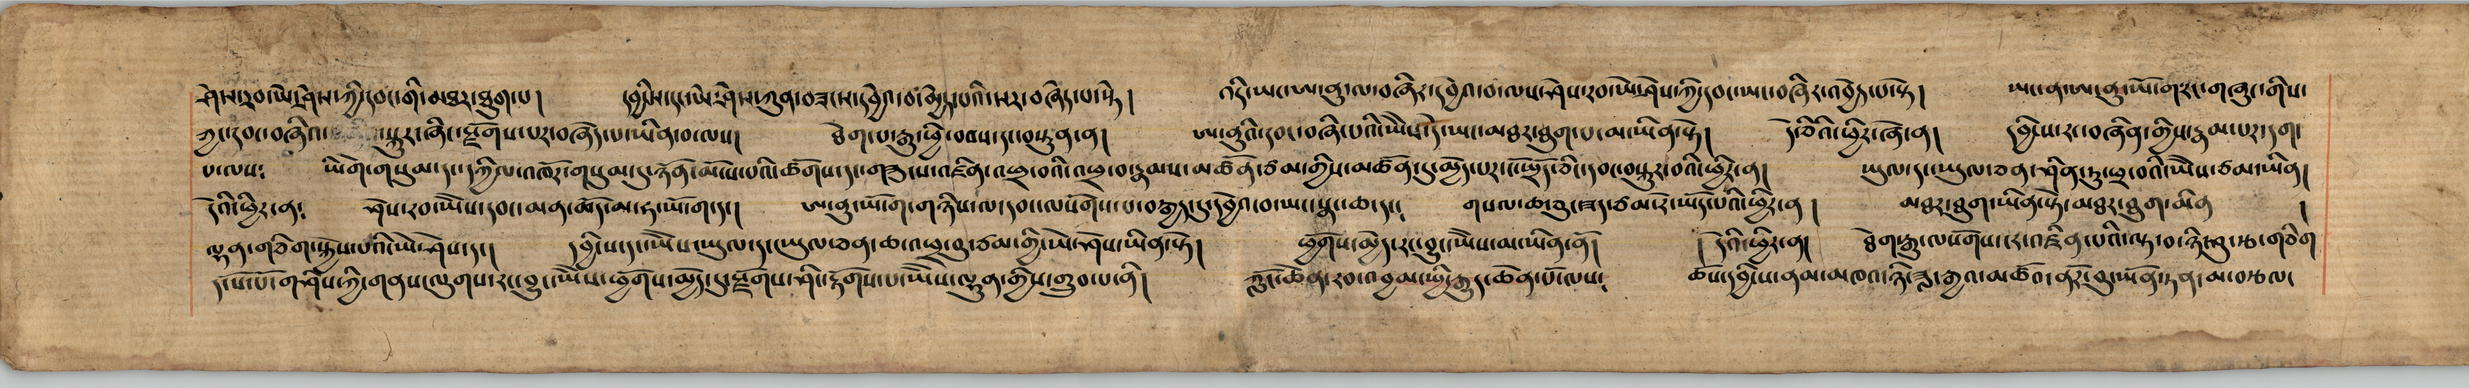ཤེས་རབ་ཡེ་ཤེས་ཀྱི་དབང་གི་མཐར་ཐུག་པ། དབྱིངས་དང་ཡེ་ཤེས་ཀུན་བཟང་ར་དབྱེའ་བ་མྱེད་པའི་སར་བཞེད་པ་སྟེ། འདི་ཡང་ཨ ནུ་ལ་བཞིར་དབྱེའ་བ་ལས་ཤེས་རབ་ཡེ་ཤེས་ཀྱི་དབང་ཡང་བཞིར་འབྱེད་པ་སྟེ། ཡང་ན་ཨ་ནུ་ཡོ་ག་རང་གཞུང་གིས་
ཀྱང་དབང་བཞིའ་ སྐུར་ཞིང་སྫོགས་པར་བཞེད་པ་ཡིན་བ་ལས། ཐེག་པ་རྒྱུ་ཕྱི་བབས་དང་བསྟུན་ན། ཨ་ནུའི་དབང་བཞི་པའི་ཡཻས་དེ་ཡང་མཐར་ཐུག་པ་མ་ཡིན་སྟེ། དེ་ཅིའི་ཕྱིར་ཞེ་ན། དབྱིངས་རང་བཞིན་གྱིས་རྣམ་པར་དག་
པ་ལས༴ ཡིགེ་གསུམ་དཀྱིལ་འཁོར་གསུམ་དུ་ཉོན་མོངས་པའི་ཚོགས་དང་གཟུགས་འཛིན་འཕྲ་བའི་འཕྲ་བ་རྣམས་མཚོན་ཙམ་གྱིས་མཚོན་དུ་མྱེད་པར་སྤྲོད་ཅིང་དབང་བསྐུར་བའི་ཕྱིར་ན། ཡུལ་དང་ཡུལ་ཅན་ཤིན་ཏུ་ཕྲ་བའི་ཡཻས་ཙམ་ཡིན།
དེའི་ཕྱིར་ན༴ ཤེས་རབ་ཡཻས་དབང་མན་ཆོད་མ་ཧ་ཡོ་ག་དང། ཨ་ནུ་ཡོ་ག་གཉིས་ལ་དབང་ལསོགས་པ་བརྒྱད་དུ་དབྱེའ་བ་ཡང་སྣང་ཆ་དང། གསལ་ཆ་ཅུང་ཟད་ཙམ་རེ་ཡོད་པའི་ཕྱིར་ན། མཐར་ཐུག་ཡིན་སྟེ་མཐར་ཐུག་ནིན
ལྷན་གཅིག་སྐྱེས་པའི་ཡེ་ཤེས་དང། དབྱིངས་དང་ཡཻས་ཡུལ་དང་ཡུལ་ཅན་ཆ་འཕྲན་བུ་ཙམ་གྱི་ཡེ་ཤེས་ཡིན་སྟེ། ཕྱོགས་མྱེད་རང་བྱུང་ཡཻས་མ་ཡིན་ནོ། ། དེའི་ཕྱིར་ན། ཐེག་རྒྱུ་ལསོགས་ངར་འཛིན་པའི་ལྟ་བ་ཉི་ཤུ་རྩ་གཅིག
དངོས་པོ་གཤིས་ཀྱི་གནས་ལུགས་རང་བྱུང་ཡཻས་ཕྱོགས་མྱེད་དུ་སྫོགས་ཤིང་རྟོགས་པ་ཡཻས་ལྷུན་གྱིས་གྲུབ་པ་ནི། ཀློང་ཆེན་རབ་འབྱམ་སྤྱི་རྒྱུད་ཆེན་པོ་ལས༴ ཆོས་དབྱིངས་ནམ་མཁའ་ཉི་ཟླ་རྒྱའ་མཚོའ་ནོར་བུ་ཡོན་ཏན་མ་བརྩལ་